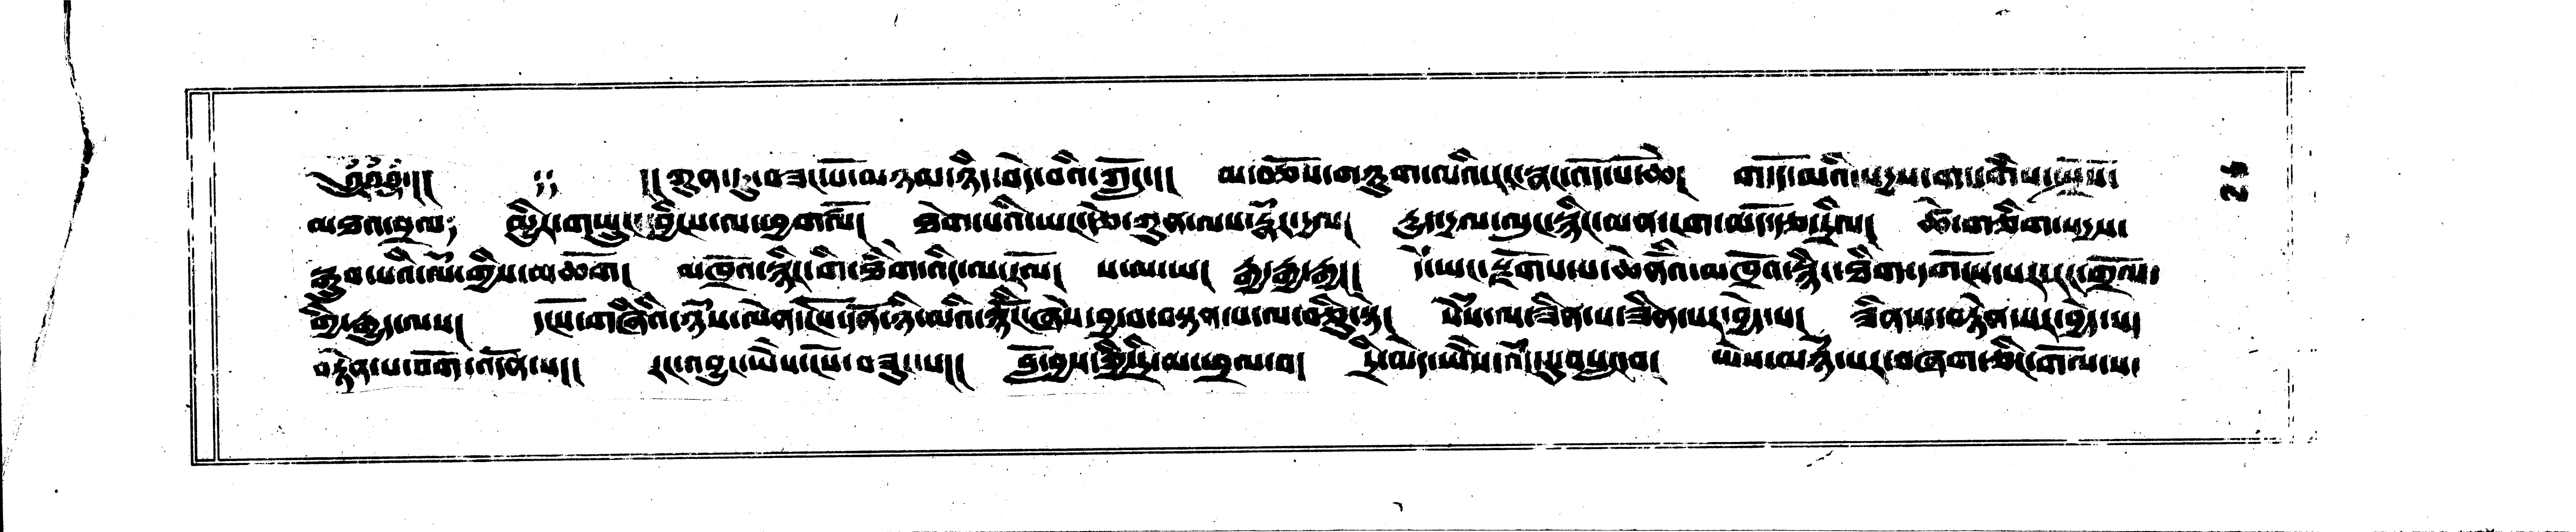༄༅།། །།ཀུན་ཏུ་བཟང་པོ་མཉམ་ཉིད་བདེ་བའི་ཀློང་། །མ་བཅོས་གཉུག་མའི་རང་སྣང་འོད་པོ་ཆེ། །གདོད་མའི་སངས་རྒྱས་གང་གིས་སྤྲོས་
མཐའ་བྲལ། །མི་འགྱུར་གཡུང་དྲུང་དབྱིངས་ལ་ཕྱག་འཚལ་ལོ། །ཐེག་པའི་ཡང་རྩེ་ཀུན་ལས་རྣམ་པར་རྒྱལ། །རྒྱུད་རྒྱལ་ལུང་སྙིང་མན་ངག་མདོ་རྩ་དྲིལ། །ཚེ་གཅིག་སངས་རྒྱས་
སྒྲུབ་པའི་ལམ་གྱི་མཆོག །མཁའ་འགྲོ་སྙིང་གི་ཐིག་ལེ་འདི་ལ་རོལ། །ས་མ་ཡ། རྒྱ་རྒྱ་རྒྱ། དེ་ཡང་རྫོགས་པ་ཆེན་པོའི་མཁའ་འགྲོ་སྙིང་ཐིག་དགོངས་པ་རང་གྲོལ་
གྱི་རྒྱུད་ལས། དངོས་གཞིའི་ཉམས་ལེན་ངེས་དོན་ཉི་མའི་སྙིང་པོ་ཞེས་བྱ་བ་བསྟན་པ་ལ་བཅུ་གཉིས་ཏེ། སེམས་མ་ཟིན་པ་ཟིན་པར་བྱེད་པ། ཟིན་པ་བརྟན་པར་བྱེད་པ། 
བརྟེན་པ་བོགས་འདོན་པ། རང་འབྱུང་ཡེ་ཤེས་ངོས་བཟུང་བ། བློ་བྱས་ཀྱི་དྲི་མ་ཕྲལ་བ། དྲི་མེད་ཡེ་ཤེས་ལམ་དུ་བསླང་བ། ཡེ་ཤེས་མཉམ་པར་བཞག་ཅིང་གོལ་ས་